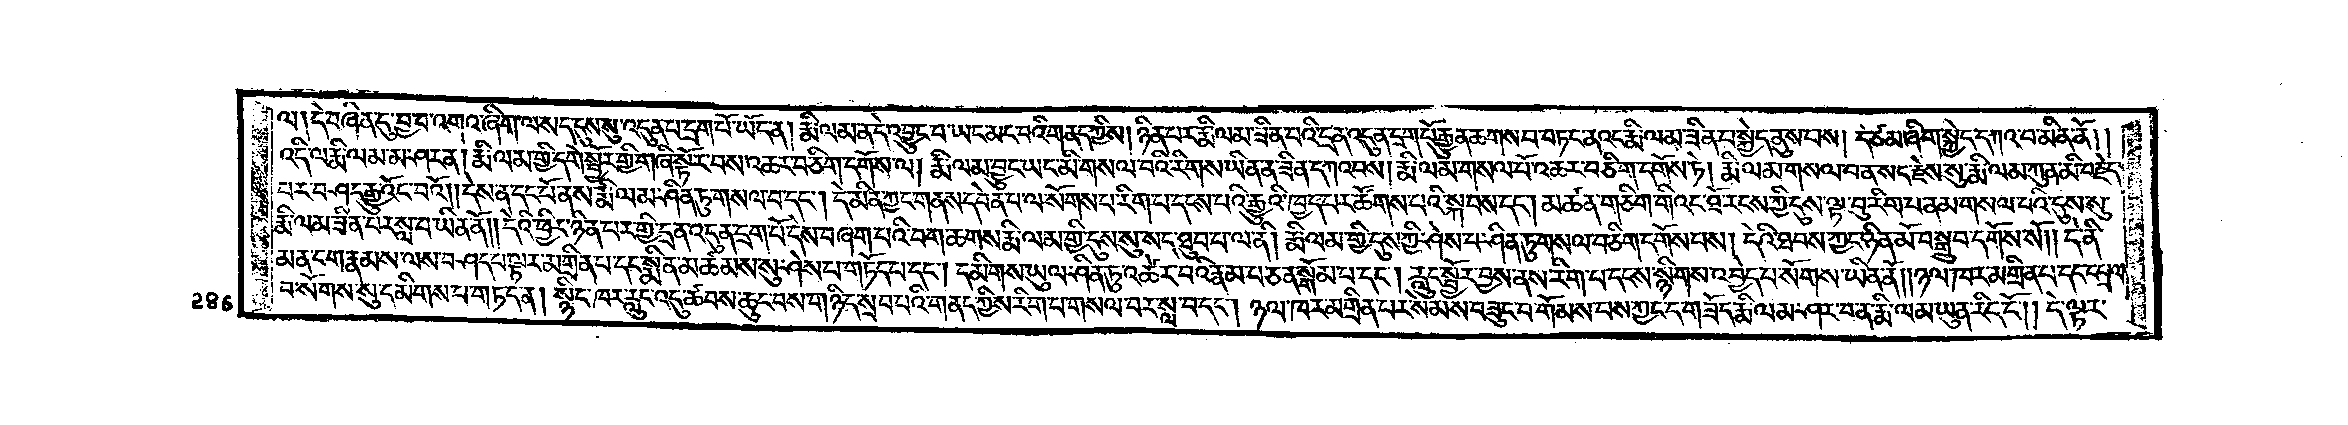ལ། དེ་བཞིན་དུ་བྱ་བ་འགའ་ཞིག་ལ་སད་དུས་སུ་འདུན་པ་དྲག་པོ་ཡོད་ན། རྨི་ལམ་ན་དེ་འབྱུང་བ་ཡང་མང་བའི་གནད་ཀྱིས། ཉིན་པར་རྨི་ལམ་ཟིན་པའི་དྲན་འདུན་དྲག་པོ་རྒྱུན་ཆགས་པ་བཏང་ནའང་རྨི་ལམ་ཟིན་པ་སྐྱེད་ནུས་པས། དེ་ཙམ་ཞིག་སྐྱེད་དཀའ་བ་མིན་ནོ། །
འདི་ལ་རྨི་ལམ་མ་ཤར་ན། རྨི་ལམ་གྱི་དགེ་སྦྱོར་གྱི་གཞི་སྟོར་བས་འཆར་བ་ཅིག་དགོས་ལ། རྨི་ལམ་བྱུང་ཡང་མི་གསལ་བའི་རིགས་ཡིན་ན་ཟིན་དཀའ་བས། རྨི་ལམ་གསལ་པོ་འཆར་བ་ཅིག་དགོས་ཏེ། རྨི་ལམ་གསལ་བ་ན་སད་རྗེས་སུ་རྨི་ལམ་ཀུན་མི་བརྗེད་
པར་བཤད་རྒྱུ་འོང་བའོ། །དེས་ན་དང་པོ་ནས་རྨི་ལམ་ཤིན་ཏུ་གསལ་བ་དང་། དེ་མིན་ཀྱང་གནས་དབེན་པ་ལ་སོགས་པ་རིག་པ་དངས་པའི་རྒྱུའི་ཁྱད་པར་ཚོགས་པའི་སྐབས་དང་། མཚན་གཅིག་གིའང་ཐོ་རངས་ཀྱི་དུས་ལྟ་བུ་རིག་པ་ནམ་གསལ་བའི་དུས་སུ་
རྨི་ལམ་ཟིན་པར་སླ་བ་ཡིན་ནོ། །དེའི་ཕྱིར་ཉིན་པར་གྱི་དྲན་འདུན་དྲག་པོ་དེས་བཞག་པའི་བག་ཆགས་རྨི་ལམ་གྱི་དུས་སུ་སད་ཐུབ་པ་ལ་ནི། རྨི་ལམ་གྱི་དུས་ཀྱི་ཤེས་པ་ཤིན་ཏུ་གསལ་བ་ཅིག་དགོས་པས། དེའི་ཐབས་ཀྱང་ཉིན་མོ་བསྒྲུབ་དགོས་སོ། །དེ་ནི་
མན་ངག་རྣམས་ལས་བཤད་པ་ལྟར་མགྲིན་པ་དང་སྨིན་མཚམས་སུ་ཤེས་པ་གཏོད་པ་དང་། དམིགས་ཡུལ་ཤིན་ཏུ་འཚེར་བའི་རྣམ་པ་ཅན་སྒོམ་པ་དང་། རླུང་སྦྱོར་བྱས་ནས་རིག་པ་དངས་སྙིགས་འབྱེད་པ་སོགས་ཡིན་ནོ། །ཉལ་ཁར་མགྲིན་པ་དང་དཔྲལ་
བ་སོགས་སུ་དམིགས་པ་གཏད་ན། སྙིང་ཁར་རླུང་འདུ་ཚབས་ཆུང་བས་གཉིད་སྲབ་པའི་གནད་ཀྱིས་རིག་པ་གསལ་བར་སླ་བ་དང་། ཉལ་ཁར་མགྲིན་པར་སེམས་བཟུང་བ་གོམས་པས་ཀྱང་ད་གཟོད་རྨི་ལམ་ཤར་བ་ན་རྨི་ལམ་ཡུན་རིང་ངོ། །དེ་ལྟར་